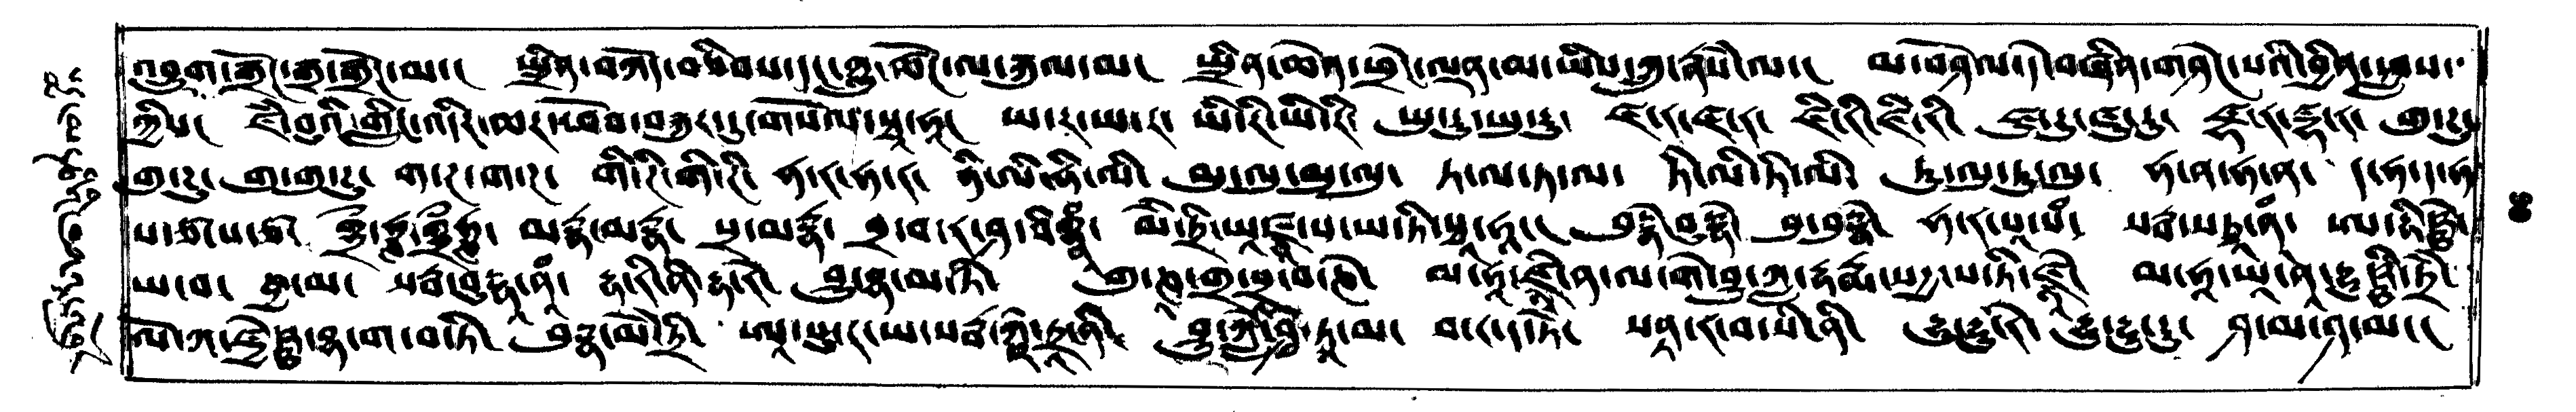འབྲུག་སྒྲོགས་སྒྲ་སྒྲོགས་མ། །སྤྲིན་བཀོད་བཅིབས་དང་ཀླུ་ཚོགས་ལ་སྐུལ་མ། །སྤྲིན་ཆེན་ཕྲེང་ལྡན་མ་ཡི་ཀླུ་རྣམས་ལ།། མ་བཤོལ་དེ་བཞིན་གཤེགས་པའི་བྱིན་རླབས་
ཀྱིས། འཛམ་བུའི་གླིང་འདིར་ཆར་ཕོབ་བསྐུར་དུ་གསོལ། སྭ་ཧཱ། ཡ་ར་ཡ་ར། ཡི་རི་ཡི་རི། ཡུ་རུ་ཡུ་རུ། ཛ་ར་ཛ་ར། ཛི་རི་ཛི་རི། ཛུ་རུ་ཛུ་རུ། ཛྷ་ར་ཛྷ་ར། གུ་རུ་
གུ་རུ། གུ་གུ་རུ། ག་ཊ་ག་ཊ། ཧ་ར་ཧ་ར། ཧི་ལི་ཧི་ལི།མུ་ལུ་མུ་ལུ། ཏ་ལ་ཏ་ལ། ཏི་ལི་ཏི་ལི། ཏུ་ལུ་ཏུ་ལུ། ཧ་ན་ཧ་ན། ད་ཧ་ད་ཧ། 
པ་ཙ་པ་ཙ། གྷྲྀ་ཧྞ་གྷྲྀ་ཧྞ། མརྣ་མརྣ། པྲ་མརྣ། བྲ་བ་ར་ཤ་བིགྷྣཱཾ། མཻ་ཏྲི་ཡཱཛྙཱ་པ་ཡ་ཏི་སྭ་ཧཱ། བུདྡྷེ་བུདྡྷེ། བུ་བུདྡྷེ། ཧ་ར་པཱ་པཾ། སརྦ་སཏྭཱ་ནཾ། ཨ་དྷིཥྛེ་
ཡ་བ། བྱེ་མ། སརྦ་བུདྡྷཱ་ནཱཾ། དྷ་རི་ནི་དྷ་རེ། ཤུ་བྷ་མ་ཏི། གུ་ཎཱ་གྲ་པྲ་བ་ཎེ། མ་ཧཱ་ཛྙཱེ་ན་ལ་གེ་ཤུ་ཀླུ་དྷརྨ་སངྱ་པ་ཏི་ཛྙཱེ། མ་ཧཱ་ཡཱ་ནཱེ་དྷུཥྛི་ཏྲཻ་
ལོ་ཀ་ཛྱེཥྛ་བྷ་ག་བ་ཏེ། བུདྣ་མཻ་ཏྲི། ཨཱ་པུ་ར་ཡ་སརྦ་ཀྵེ་ཏྲཱ་ནི། ཤུ་ཀློ་ཤུ་ཏཱ་མ། བ་ར་ད་ཏེ། སནྟ་ར་བ་སི་ནི། དྷུ་དྷུ་རེ། དྷུ་དྷུ་རུ། ཤ་མ་ཤ་མ་